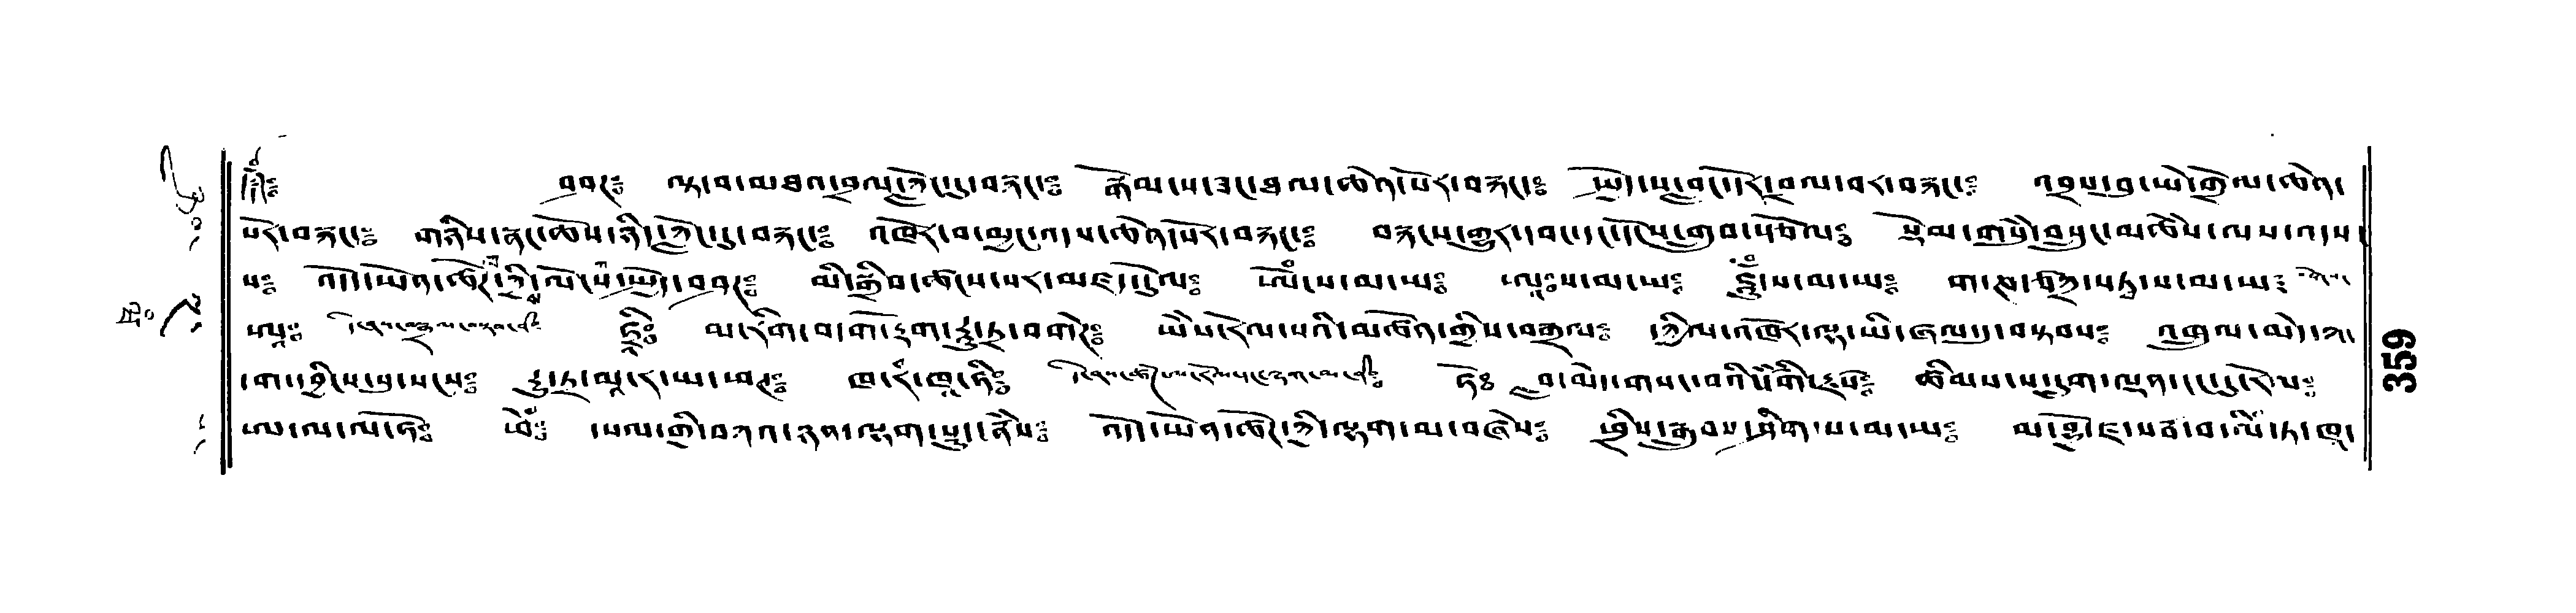བཤགས༔ ལྟ་བ་མཐའ་བྲལ་ཀློང་དུ་བསྐང༔ སྒོམ་པ་ཟང་ཐལ་ཆེན་པོར་བསྐང༔ སྤྱོད་པ་བླང་དོར་བྲལ་བར་བསྐང༔ འབྲས་བུ་ཡེ་གྲོལ་ཆེན་
པོར་བསྐང༔ གཉིས་སྣང་ཆོས་ཉིད་ཀློང་དུ་བསྐང༔ འཁོར་བ་མྱང་འདས་ཆེན་པོར་བསྐང༔ བསྐངས་གྱུར་དབང་དང་དངོས་གྲུབ་སྩོལ༔ སྡོམ་གསུམ་བསྲུང་མཚམས་ལས་འདས་
པ༔འདོད་ཡོན་ལོངས་སྤྱོད་ཚོགས་ཀྱིས་བཤགས༔ མི་སྒྲིབ་ཚངས་པར་མཛད་དུ་གསོལ༔ ཨོཾ་ས་མ་ཡ༔ ཨཱཿས་མ་ཡ༔ ཧཱུྃ་ས་མ་ཡ༔ ག་ཎ་ཙཀྲ་སཏྭ་ས་མ་ཡ༴སོགས༔ 
ཨཱཿ དེ་ནས་བསྒྲལ་བསྟབ་ནི༔ ཧྲཱིཿ མ་རིག་བདག་རྟོག་རཱུ་ཏྲ་བགེགས༔ ཡེ་ཤེས་རོལ་པའི་མཚོན་གྱིས་བསྒྲལ༔ དཀྱིལ་འཁོར་ལྷ་ཡི་ཞལ་དུ་བསྟབས༔ འཁྲུལ་མེད་ཀ་
དག་དབྱིངས་སུ་སངས༔ རུ་ཏྲ་མཱ་ར་ཡ་ཕཊ༔ ཁ་རཾ་ཁཱ་ཧི༔ དེ་ནས་ཚོགས་ལ་རོལ་དང་ལྷག་མ་ནི༔ ཧོཿ བླ་མེད་གསང་བའི་དམ་ཚིག་རྫས༔ ཚིམས་པ་དྲུག་ལྡན་ངང་དུ་རོལ༔ 
ཨ་ལ་ལ་ཧོཿ ཕེཾ༔ དཔལ་གྱི་བཀའ་ཉན་ལྷག་སྡུད་རྣམས༔ འདོད་ཡོན་ཚོགས་ཀྱི་ལྷག་མ་བཞེས༔ ཕྲིན་ལས་སྒྲུབས་ཤིག་ས་མ་ཡ༔ མ་བྷྱོ་ཛ་སརྦ་བ་ལིཾ་ཏ་ཁཱ་